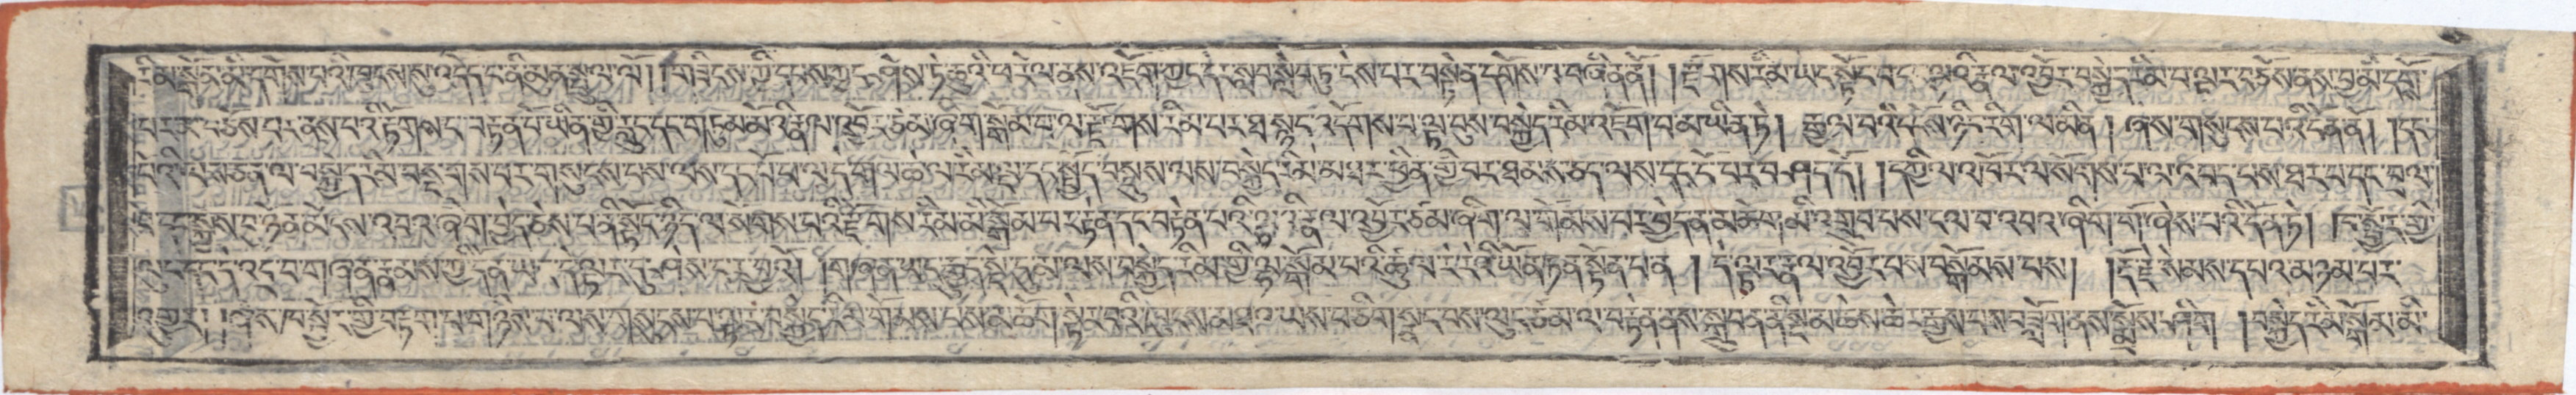རིམ་སྒོམ་མི་དགོས་པའི་ཁུངས་སུ་འདོད་པ་ནི་མུན་སྤྲུལ་ལོ། །གཟིངས་ཀྱི་དཔས་ཀྱང་ཤེས་ཏེ་ཆུའི་ཕ་རོལ་ནས་འཇོག་ཀྱང་དེར་སླབ་སླེབ་ཏུ་ངེས་པར་བསྟེན་དགོས་པ་བཞིན་ནོ། །རྫོགས་རིམ་ཡང་སྟོང་བ་དང་ལྷའི་རྣལ་འབྱོར་བསྐྱེད་རིམ་པ་ལྟར་བཅོས་ནས་བྱ་མི་དགོས་
པར་མ་བཅོས་པར་ནུས་པའི་རྟོགས་པ་བརྟན་པོ་ཡིན་གྱི་རླུང་དང་གཏུམ་མོའི་རྣལ་འབྱོར་ཙམ་ཞིག་སྒོམ་པ་ལ་རྫོགས་རིམ་པར་ཐ་སྙད་འདོགས་པ་ལྟ་བུས་བསྐྱེད་རིམ་འཇོག་པ་མ་ཡིན་ཏེ། རྒྱལ་བའི་དངོས་ཉིད་རིག་ལ་མིན། ཞེས་གསུངས་པའི་དོན་ནོ། །དང་
པོའི་ལས་ཅན་ལ་བསྐྱེད་རིམ་བསྔགས་པར་གསུངས་པས་ལས་དང་པོ་པ་ལ་དེ་གལ་ཆེ་ལ་རིམ་ལྔ་དང་སྤྱོད་བསྡུས་ལས་བསྐྱེད་རིམ་མཐར་ཕྱིན་གྱི་བར་ཐམས་ཅད་ལས་དང་པོ་པར་བཤད་དོ། །དཀྱིལ་འཁོར་ལ་སོགས་པ་ལ་འབད་པས་ཐར་པ་དང་བྲལ་
བ་དང་སྐྱེས་བུ་ཉོན་མོངས་འབའ་ཞིག་བྱེད་ཅེས་པ་ནི་སྟོང་ཉིད་ལ་སོགས་པའི་རྫོགས་རིམ་མི་སྒོམ་པར་རྟེན་དང་བརྟེན་པའི་ལྷའི་རྣལ་འབྱོར་ཙམ་ཞིག་ལ་གོམས་པར་བྱེད་ན་མཆོག་མི་འགྲུབ་པས་ངལ་བ་འབའ་ཞིག་གོ་ཞེས་པའི་དོན་ཏེ། ཁ་སྦྱོར་གྱི་
ལུང་དང་དེ་འདྲ་བ་གཞན་རྣམས་ཀྱི་དོན་ཡང་དེ་ལྟར་དུ་ཤེས་པར་བྱའོ། །གཞན་ཡང་རྒྱུད་སྡེ་དུ་མ་ལས་བསྐྱེད་རིམ་གྱི་ལྷ་སྒོམ་པའི་ཚུལ་རེ་རེའི་ཡོན་ཏན་སྟོན་པ་ན། དེ་ལྟར་རྣལ་འབྱོར་པས་བསྒོམས་པས། །རྡོ་རྗེ་སེམས་དཔའ་མཉམ་པར་
འགྱུར། །ཞེས་ཁ་སྦྱོར་གྱི་བརྟག་པ་གཉིས་པ་ལས་གསུངས་པ་ལྟར་བསྐྱེད་རིམ་གོམས་པས་མཆོག་སྟེར་བའི་ཁུངས་མཐའ་ཡས་པ་ཅིག་སྣང་བས་ལུང་ཙམ་ལ་བརྟེན་ནས་སྒྲུབ་ན་ནི་སྔ་མ་ཆེས་ཆེར་རྒྱས་པས་བཟློག་ནས་སྨྲོས་ཤིག །བསྐྱེད་རིམ་སྒོམ་མི་